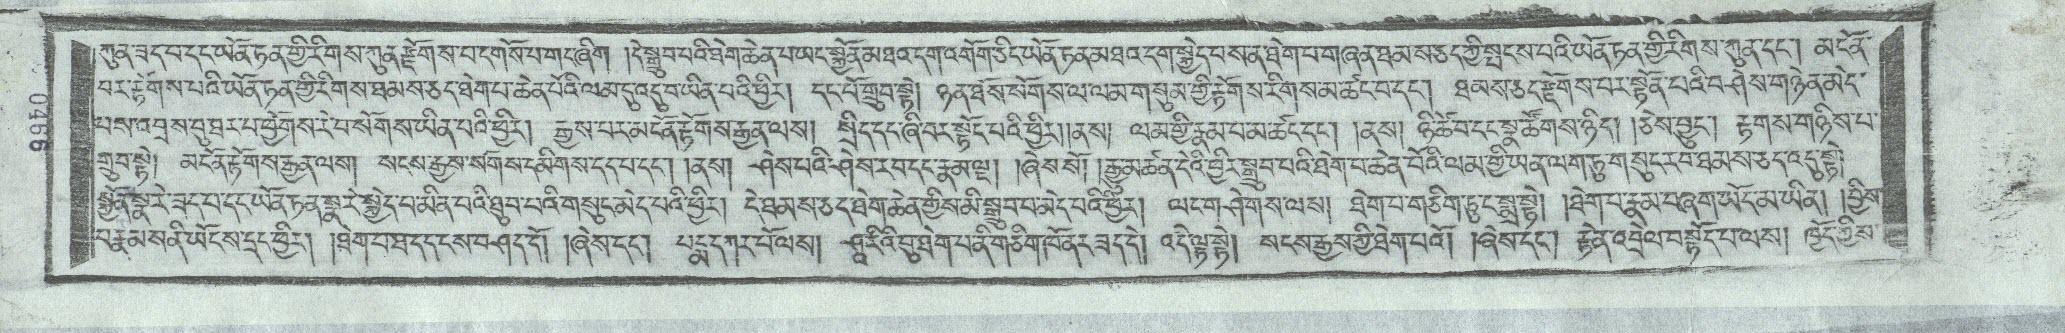ཀུན་ཟད་པ་དང་ཡོན་ཏན་གྱི་རིགས་ཀུན་རྫོགས་པ་དགོས་པ་གང་ཞིག །དེ་སྒྲུབ་པའི་ཐེག་ཆེན་པ་ཡང་སྐྱོན་མཐའ་དག་འགོག་ཅིང་ཡོན་ཏན་མཐའ་དག་སྐྱེད་པས་ན་ཐེག་པ་གཞན་ཐམས་ཅད་ཀྱི་སྤངས་པའི་ཡོན་ཏན་གྱི་རིགས་ཀུན་དང་། མངོན་
པར་རྟོགས་པའི་ཡོན་ཏན་གྱི་རིགས་ཐམས་ཅད་ཐེག་པ་ཆེན་པོའི་ལམ་དུ་འདུ་བ་ཡིན་པའི་ཕྱིར། དང་པོ་གྲུབ་སྟེ། ཉན་ཐོས་སོགས་ལ་ལམ་གསུམ་གྱི་རྟོགས་རིགས་མ་ཚང་བ་དང་། ཐམས་ཅད་རྫོགས་པར་སྟོན་པའི་བཤེས་གཉེན་མེད་
པས་འབྲས་བུ་ཐར་པ་ཕྱོགས་རེས་སོགས་ཡིན་པའི་ཕྱིར། རྒྱས་པར་མངོན་རྟོགས་རྒྱན་ལས། སྲིད་དང་ཞི་བར་སྟོང་པའི་ཕྱིར། །ནས། ལམ་གྱི་རྣམ་པ་མ་ཚད་དང་། །ནས། ཉི་ཚེ་བ་དང་སྣ་ཚོགས་ཉིད། །ཅེས་བྱུང་། རྟགས་གཉིས་པ་
གྲུབ་སྟེ། མངོན་རྟོགས་རྒྱན་ལས། སངས་རྒྱས་སོགས་དམིགས་དད་པ་དང་། །ནས། ཤེས་པའི་ཤེས་རབ་དང་རྣམ་ལྔ། །ཞེས་སོ། །རྒྱུ་མཚན་དེའི་ཕྱིར་སྒྲུབ་པའི་ཐེག་པ་ཆེན་པོའི་ལམ་གྱི་ཡན་ལག་ཏུ་གསུང་རབ་ཐམས་ཅད་འདུ་སྟེ།
སྐྱོན་སྣ་རེ་ཟད་པ་དང་ཡོན་ཏན་སྣ་རེ་སྐྱེད་པ་མིན་པའི་ཐུབ་པའི་གསུང་མེད་པའི་ཕྱིར། དེ་ཐམས་ཅད་ཐེག་ཆེན་གྱིས་མི་སྒྲུབ་པ་མེད་པའི་ཕྱིར། ལང་གཤེགས་ལས། ཐེག་པ་གཅིག་ཏུ་བ་སྨྲ་སྟེ། །ཐེག་པ་རྣམ་བཞག་ཡོང་མ་ཡིན། །བྱིས་
པ་རྣམས་ནི་ཡོངས་དྲང་ཕྱིར། །ཐེག་པ་ཐ་དད་ངས་བཤད་དོ། །ཞེས་དང་། པདམ་དཀར་པོ་ལས། ཤཱ་རིའི་བུ་ཐེག་པ་ནི་གཅིག་ཁོ་ནར་ཟད་དེ། འདི་ལྟ་སྟེ། སངས་རྒྱས་ཀྱི་ཐེག་པའོ། །ཞེས་དང་། རྟེན་འབྲེལ་བསྟོད་པ་ལས། ཁྱོད་ཀྱིས་